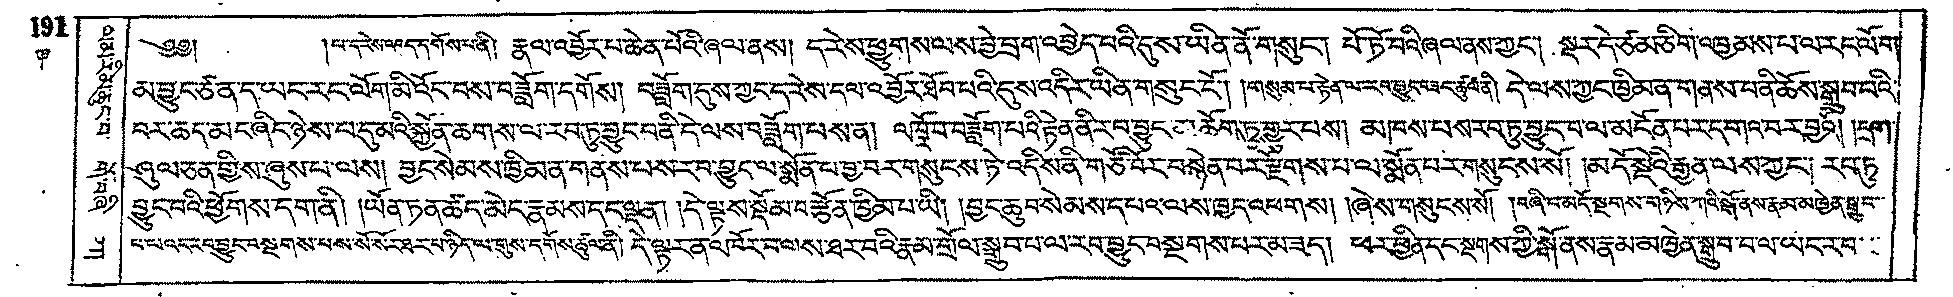༄༅། །པ་ད་རེས་འབད་དགོས་པ་ནི།  རྣལ་འབྱོར་བ་ཆེན་པོའི་ཞལ་ནས། ད་རེས་ཕྱུགས་ལས་བྱེ་བྲག་འབྱེད་པའི་དུས་ཡིན་ནོ་གསུང་། པོ་ཏོ་བའི་ཞལ་ནས་ཀྱང་། སྔར་དེ་ཙམ་ཅིག་འཁྱམས་པ་ལ་རང་ལོག་
མ་བྱུང་ཙ་ན་ད་ཡང་རང་ལོག་མི་འོང་བས་བཟློག་དགོས། བཟློག་དུས་ཀྱང་ད་རེས་དལ་འབྱོར་ཐོབ་པའི་དུས་འདིར་ཡིན་གསུང་ངོ། །གསུམ་པ་རྟེན་ལ་རབ་བྱུང་བཟང་ཚུལ་ནི།  དེ་ལས་ཀྱང་ཁྱིམ་ན་གནས་པ་ནི་ཆོས་སྒྲུབ་པའི་
བར་ཆད་མང་ཞིང་ཉེས་པ་དུ་མའི་སྐྱོན་ཆགས་ལ་རབ་ཏུ་བྱུང་བ་ནི་དེ་ལས་བཟློག་པས་ན། འཁོར་བ་བཟློག་པའི་རྟེན་ནི་རབ་བྱུང་མཆོག་ཏུ་གྱུར་པས། མཁས་པས་རབ་ཏུ་བྱུང་བ་ལ་མཆོག་ཏུ་གྱུར་པས། མཁས་པས་རབ་ཏུ་བྱུང་བ་ལ་མངོན་པར་དགའ་བར་བྱའོ། །དྲག་
ཤུལ་ཅན་གྱིས་ཞུས་པ་ལས། བྱང་སེམས་ཁྱིམ་ན་གནས་པས་རབ་བྱུང་ལ་སྨོན་པ་བྱ་བར་གསུངས་ཏེ་འདིས་ནི་གཙོ་བོར་བསྙེན་པར་རྫོགས་པ་ལ་སྨོན་པར་གསུངས་སོ། །མདོ་སྡེའི་རྒྱན་ལས་ཀྱང༑ རབ་ཏུ་
བྱུང་བའི་ཕྱོགས་དག་ནི། །ཡོན་ཏན་ཚད་མེད་རྣམས་དང་ལྡན། །དེ་ལྟས་སྡོམ་བརྩོན་ཁྱིམ་པ་ཡི། །བྱང་ཆུབ་སེམས་དཔའ་ལས་ཁྱད་འཕགས། །ཞེས་གསུངས་སོ། །བཞི་པ་མདོ་སྔགས་གཉིས་ཀའི་སྒོ་ནས་རྣམ་མཁྱེན་སྒྲུབ་
པ་ལའང་རབ་བྱུང་བསྔགས་པས་སོ་སོར་ཐར་པ་ཉིད་ལ་གུས་དགོས་ཚུལ་ནི།  དེ་ལྟར་ན་འཁོར་བ་ལས་ཐར་པའི་རྣམ་གྲོལ་སྒྲུབ་པ་ལ་རབ་བྱུང་བསྡགས་པར་མ་ཟད། ཕར་ཕྱིན་དང་སྔགས་ཀྱིས་གོ་ནས་རྣམ་མཁྱེན་སྒྲུབ་བ་ལ་ཡང་རབ་